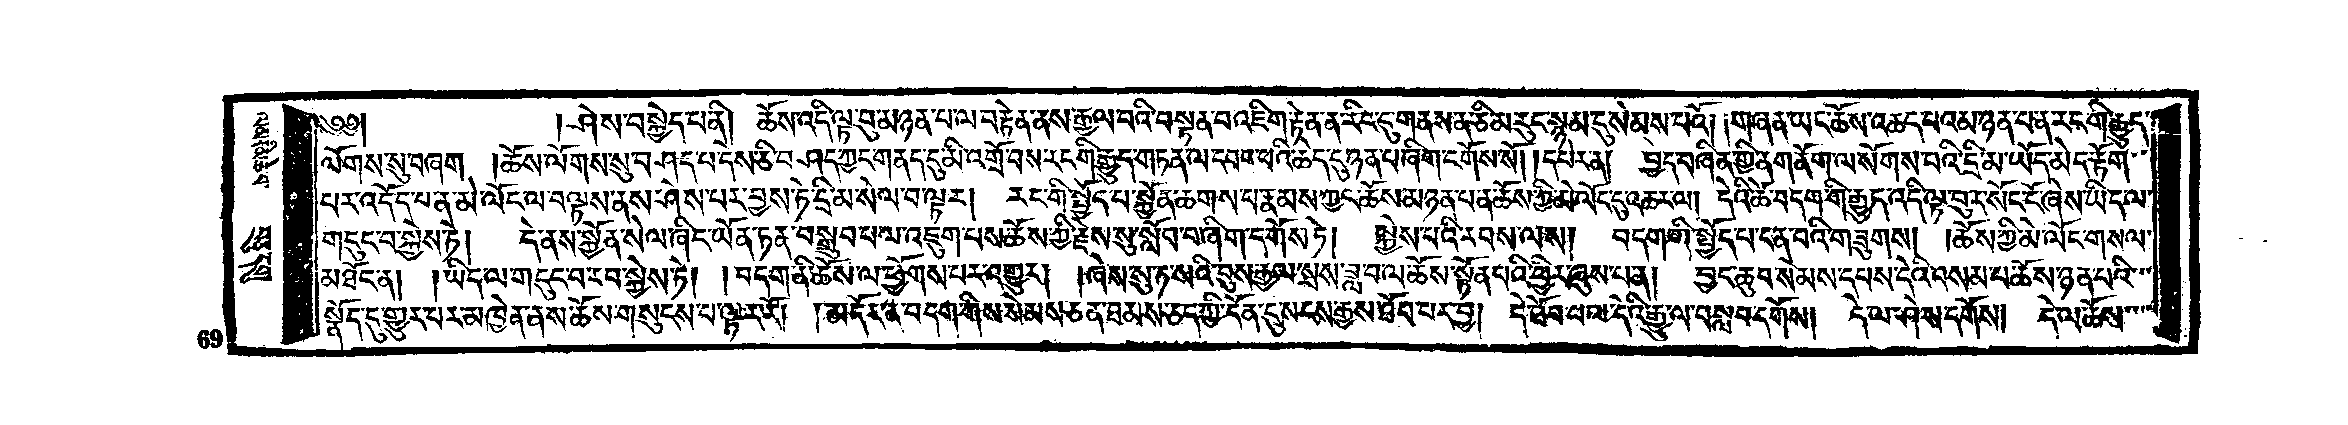༄༅། །ཤེས་བསྐྱེད་པ་ནི། ཆོས་འདི་ལྟ་བུ་མཉན་པ་ལ་བརྟེན་ནས་རྒྱལ་བའི་བསྟན་པ་འཇིག་རྟེན་ན་རིང་དུ་གནས་ན་ཅི་མ་རུང་སྙམ་དུ་སེམས་པའོ། །གཞན་ཡང་ཆོས་འཆད་པའམ་ཉན་པ་ན་རང་གི་རྒྱུད་
ལོགས་སུ་བཞག །ཆོས་ལོགས་སུ་བཤད་པ་དེས་ཅི་བཤད་ཀྱང་གནད་དུ་མི་འགྲོ་བས་རང་གི་རྒྱུད་གཏན་ལ་དབབ་པའི་ཆེད་དུ་ཉན་པ་ཞིག་དགོས་སོ། །དཔེར་ན། བྱད་བཞིན་གྱི་ནག་ནོག་ལ་སོགས་པའི་དྲི་མ་ཡོད་མེད་རྟོག་
བར་འདོད་པ་ན་མེ་ལོང་ལ་བལྟས་ནས་ཤེས་པར་བྱས་ཏེ་དྲི་མ་སེལ་བ་ལྟར། རང་གི་སྤྱོད་པ་སྐྱོན་ཆགས་པ་རྣམས་ཀྱང་ཆོས་མཉན་པ་ན་ཆོས་ཀྱི་མེ་ལོང་དུ་འཆར་ལ། དེའི་ཚེ་བདག་གི་རྒྱུད་འདི་ལྟ་བུར་སོང་ངོ་ཞེས་ཡིད་ལ་
གདུང་བ་སྐྱེས་ཏེ། དེ་ནས་སྐྱོན་སེལ་ཞིང་ཡོན་ཏན་བསྒྲུབ་པ་ལ་འཇུག་པས་ཆོས་ཀྱི་རྗེས་སུ་སློབ་བ་ཞིག་དགོས་ཏེ། སྐྱེས་པའི་རབས་ལས། བདག་གི་སྤྱོད་པ་ངན་པའི་གཟུགས། །ཆོས་ཀྱི་མེ་ལོང་གསལ་
མཐོང་ན། །ཡིད་ལ་གདུང་བ་རབ་སྐྱེས་ཏེ། །བདག་ནི་ཆོས་ལ་ཕྱོགས་པར་འགྱུར། །ཞེས་སུ་ཏ་སའི་བུས་རྒྱལ་སྲས་ཟླ་བ་ལ་ཆོས་སྟོན་པའི་ཕྱིར་ཞུས་པ་ན། བྱང་ཆུབ་སེམས་དཔས་དེའི་བསམ་པ་ཆོས་ཉན་པའི་
སྣོད་དུ་གྱུར་པར་མཁྱེན་ནས་ཆོས་གསུངས་པ་ལྟར་རོ། །མདོར་ན་བདག་གིས་སེམས་ཅན་ཐམས་ཅད་ཀྱི་དོན་དུ་སངས་རྒྱས་ཐོབ་པར་བྱ། དེ་ཐོབ་པ་ལ་དེའི་རྒྱུ་ལ་བསླབ་དགོས། དེ་ལ་ཤེས་དགོས། དེ་ལ་ཆོས་